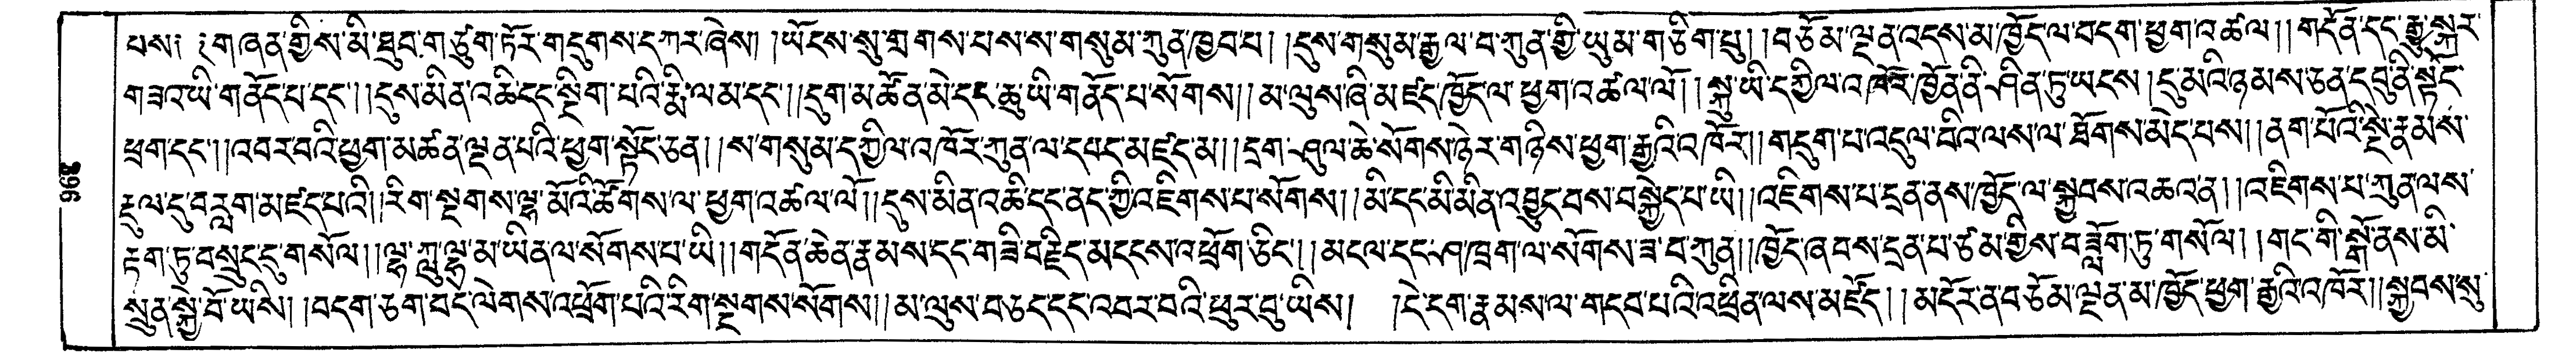པས༑ ༑གཞན་གྱིས་མི་ཐུབ་གཙུག་ཏོར་གདུགས་དཀར་ཞེས། །ཡོངས་སུ་གྲགས་པས་ས་གསུམ་ཀུན་ཁྱབ་པ། །དུས་གསུམ་རྒྱལ་བ་ཀུན་གྱི་ཡུམ་གཅིག་པུ། །བཅོམ་ལྡན་འདས་མ་ཁྱོད་ལ་བདག་ཕྱག་འཚལ། །གདོན་དང་རྒྱུ་སྐར་
གཟའ་ཡི་གནོད་པ་དང་། །དུས་མིན་འཆི་དང་སྡིག་པའི་རྨི་ལམ་དང་། །དུག་མཚོན་མེ་དང་ཆུ་ཡི་གནོད་པ་སོགས། །མ་ལུས་ཞི་མཛད་ཁྱོད་ལ་ཕྱག་འཚལ་ལོ། །སྐུ་ཡི་དཀྱིལ་འཁོར་ཁྱོན་ནི་ཤིན་ཏུ་ཡངས་།དུ་མའི་ཉམས་ཅན་དབུ་ནི་སྟེང་
ཕྲག་དང་། །འབར་བའི་ཕྱག་མཚན་ལྡན་པའི་ཕྱག་སྟོང་ཅན། །ས་གསུམ་དཀྱིལ་འཁོར་ཀུན་ལ་དབང་མཛད་མ། །དྲག་ཤུལ་ཆེ་སོགས་ཉེར་གཉིས་ཕྱག་རྒྱའི་འཁོར། །གདུག་བ་འདུལ་བའི་ལས་ལ་ཐོགས་མེད་པས། །ནག་པོའི་སྡེ་རྣམས་
རྡུལ་དུ་བརླག་མཛད་པའི། །རིག་སྔགས་ལྷ་མོའི་ཚོགས་ལ་ཕྱག་འཚལ་ལོ། །དུས་མིན་འཆི་དང་ནད་ཀྱི་འཇིགས་པ་སོགས། །མི་དང་མི་མིན་འབྱུང་བས་བསྐྱེད་པ་ཡི། །འཇིགས་པ་དྲན་ནས་ཁྱོད་ལ་སྐྱབས་འཆའ་ན། །འཇིགས་པ་ཀུན་ལས་
རྟག་ཏུ་བསྲུང་དུ་གསོལ། །ལྷ་ཀླུ་ལྷ་མ་ཡིན་ལ་སོགས་པ་ཡི། །གདོན་ཆེན་རྣམས་དང་གཟི་བརྗིད་མདངས་འཕྲོག་ཅིང་། །མངལ་དང་ཤ་ཁྲག་ལ་སོགས་ཟ་བ་ཀུན། །ཁྱོད་ཞབས་དྲན་བ་ཙམ་གྱིས་བཟློག་ཏུ་གསོལ། །གང་གི་སྒོ་ནས་མི་
སྲུན་སྐྱེ་བོ་ཡིས། །བདག་ཅག་བདེ་ལེགས་འཕྲོག་པའི་རིག་སྔགས་སོགས། །མ་ལུས་བཅད་དང་འབར་བའི་ཕུར་བུ་ཡིས། །དེ་དག་རྣམས་ལ་གདབ་པའི་འཕྲིན་ལས་མཛོད། །མདོར་ན་བཅོམ་ལྡན་མ་ཁྱོད་ཕྱག་རྒྱའི་འཁོར། །སྐྱབས་སུ་